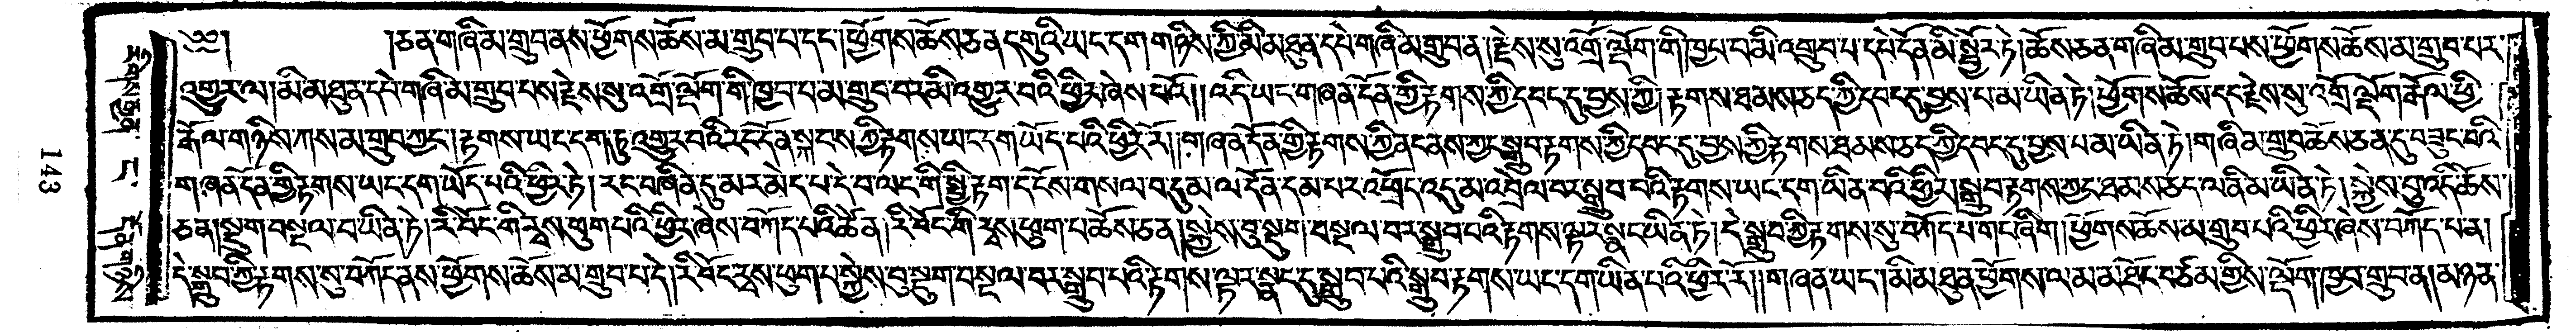༄༅། །ཅན་གཞི་མ་གྲུབ་ནས་ཕྱོགས་ཆོས་མ་གྲུབ་པ་དང་། ཕྱོགས་ཆོས་ཅན་དགུའི་ཡང་དག་གཉིས་ཀྱི་མི་མཐུན་དཔེ་གཞི་མ་གྲུབ་ན། རྗེས་སུ་འགྲོ་ལྡོག་གི་ཁྱབ་པ་མི་འགྲུབ་པ་དཔེ་དོན་མི་སྦྱོར་ཏེ། ཆོས་ཅན་གཞི་མ་གྲུབ་པས་ཕྱོགས་ཆོས་མ་གྲུབ་པར་
འགྱུར་ལ། མི་མཐུན་དཔེ་གཞི་མ་གྲུབ་པས་རྗེས་སུ་འགྲོ་ལྡོག་གི་ཁྱབ་པ་མ་གྲུབ་པར་མི་འགྱུར་བའི་ཕྱིར་ཞེས་པའོ། །འདི་ཡང་གཞན་དོན་གྱི་རྟགས་ཀྱི་དབང་དུ་བྱས་ཀྱི། རྟགས་ཐམས་ཅད་ཀྱི་དབང་དུ་བྱས་པ་མ་ཡིན་ཏེ། ཕྱོགས་ཆོས་དང་རྗེས་སུ་འགྲོ་ལྡོག་རྒོལ་ཕྱི་
རྒོལ་གཉིས་ཀས་མ་གྲུབ་ཀྱང་། རྟགས་ཡང་དག་ཏུ་འགྱུར་བའི་རང་དོན་སྐབས་ཀྱི་རྟགས་ཡང་དག་ཡོད་པའི་ཕྱིར་རོ། །གཞན་དོན་གྱི་རྟགས་ཀྱི་ནང་ནས་ཀྱང་སྒྲུབ་རྟགས་ཀྱི་དབང་དུ་བྱས་ཀྱི་རྟགས་ཐམས་ཅད་ཀྱི་དབང་དུ་བྱས་པ་མ་ཡིན་ཏེ། གཞི་མ་གྲུབ་ཆོས་ཅན་དུ་བཟུང་བའི་
གཞན་དོན་གྱི་རྟགས་ཡང་དག་ཡོད་པའི་ཕྱིར་ཏེ། རང་བཞིན་དུ་མར་མེད་པ་དེ་བ་ལང་གི་སྤྱི་རྟག་དངོས་གསལ་བ་དུ་མ་ལ་དོན་དམ་པར་འཕྲོད་འདུ་མ་འབྲེལ་བར་སྒྲུབ་པའི་རྟགས་ཡང་དག་ཡིན་པའི་ཕྱིར། སྒྲུབ་རྟགས་ཀྱང་ཐམས་ཅད་ལ་ནི་མ་ཡིན་ཏེ། སྐྱེས་བུ་འདི་ཆོས་
ཅན། སྡུག་བསྔལ་བ་ཡིན་ཏེ། རི་བོང་གི་རྭས་ཕུག་པའི་ཕྱིར་ཞེས་བཀོད་པའི་ཚེ་ན། རི་བོང་གི་རྭས་ཕུག་པ་ཆོས་ཅན། སྐྱེས་བུ་སྡུག་བསྔལ་བར་སྒྲུབ་པའི་རྟགས་ལྟར་སྣང་ཡིན་ཏེ། དེ་སྒྲུབ་ཀྱི་རྟགས་སུ་བཀོད་པ་གང་ཞིག །ཕྱོགས་ཆོས་མ་གྲུབ་པའི་ཕྱིར་ཞེས་བཀོད་པ་ན།
དེ་སྒྲུབ་ཀྱི་རྟགས་སུ་བཀོད་ནས་ཕྱོགས་ཆོས་མ་གྲུབ་པ་དེ། རི་བོང་རྭས་ཕུག་པ་སྐྱེས་བུ་སྡུག་བསྔལ་བར་སྒྲུབ་པའི་རྟགས་ལྟར་སྣང་དུ་སྒྲུབ་པའི་སྒྲུབ་རྟགས་ཡང་དག་ཡིན་པའི་ཕྱིར་རོ། །གཞན་ཡང་། མི་མཐུན་ཕྱོགས་ལ་མ་མཐོང་བ་ཙམ་གྱིས་ལྡོག་ཁྱབ་གྲུབ་ན། མཉན་